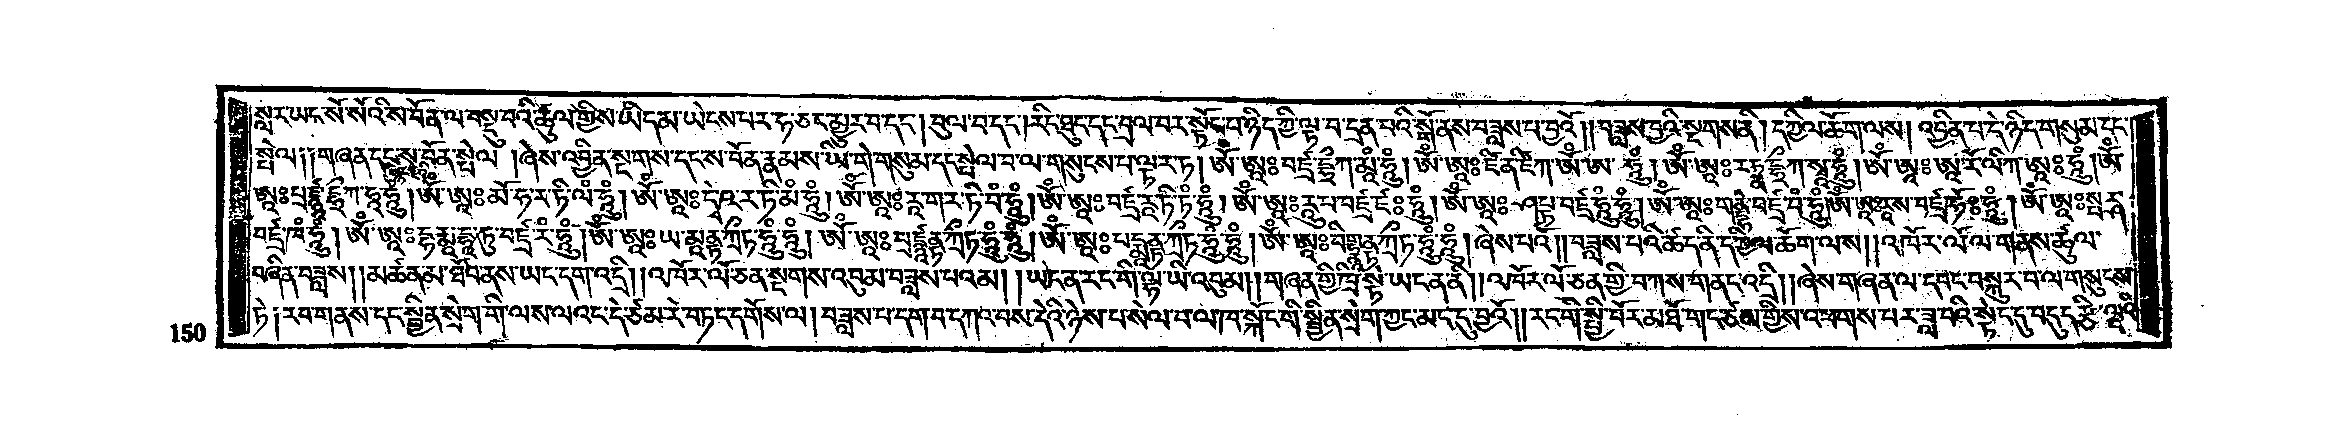སླར་ཡང་སོ་སོའི་ས་བོན་ལ་བསྡུ་བའི་ཚུལ་གྱིས་ཡིད་མ་ཡེངས་པར་ཧ་ཅང་མྱུར་བ་དང་། བུལ་བ་དང་། རིང་ཐུང་དང་བྲལ་བར་སྟོང་པ་ཉིད་ཀྱི་ལྟ་བ་དྲན་པའི་སྒོ་ནས་བཟླས་པ་བྱའོ། །བཟླས་བྱའི་སྔགས་ནི། དཀྱིལ་ཆོག་ལས། འབྱིན་པ་དེ་ཉིད་གསུམ་དང་
སྤེལ། །གཞན་དང་སྙིང་རྗེའི་ས་བོན་སྤེལ། ཞེས་འབྱིན་སྔགས་དང་ས་བོན་རྣམས་ཡི་གེ་གསུམ་དང་སྤེལ་བ་ལ་གསུངས་པ་ལྟར་ཏ། ཨོཾ་ཨཱཿ བཛྲ་དྷྲི་ཀ་མའཾ་ཧཱུཾ། ཨོཾ་ཨཱཿ ཛི་ན་ཛི་ཀ་ཨོཾ་ཧཱུཾ། ཨོཾ་ཨཱཿ རཏྣ་དྷྲྀ་ཀ་སྭཱ་ཧཱུཾ། ཨོཾ་ཨཱཿ ཨཱ་རོ་ལིཀ་ཨཱཿ ཧཱུཾ། ཨོཾ་
ཨཱཿ པྲཛྙཱ་དྷྲྀ་ཀ་ཧཱ་ཧཱུཾ། ཨོཾ་ཨཱཿ མོ་ཧ་ར་ཏི་ལཾ་ཧཱུཾ། ཨོཾ་ཨཱཿ དྭེ་ཥ་ར་ཏི་མཾ་ཧཱུཾ། ཨོཾ་ཨཱཿ རཱ་ག་ར་ཏི་བཾ་ཧཱུཾ། ཨོཾ་ཨཱཿ བཛྲ་རཱ་ཏི་ཏཾ་ཧཱུཾ། ཨོཾ་ཨཱཿ རཱུ་པ་བཛྲ་ཛཿ ཧཱུཾ། ཨོཾ་ཨཱཿ ཤཔྟ་བཛྲ་ཧཱུཾ་ཧཱུཾ། ཨོཾ་ཨཱཿ གནྡྷེ་བཛྲ་བཾ་ཧཱུཾ། ཨོཾ་ཨཱཿ རཱ་ས་བཛྲ་ཧོཿ ཧཱུཾ། ཨོཾ་ཨཱཿ སྤརྴ་
བཛྲ་ཁཾ་ཧཱུཾ། ཨོཾ་ཨཱཿ དྷརྨཱ་དྷཱ་ཏུ་བཛྲ་རཾ་ཧཱུཾ། ཨོཾ་ཨཱཿ ཡ་མཱནྟ་ཀྲྀ་ཏ་ཧཱུཾ་ཧཱུཾ། ཨོཾ་ཨཱཿ པྲཛྙཱནྟ་ཀྲྀ་ཏ་ཧཱུཾ་ཧཱུཾ། ཨོཾ་ཨཱཿ པདམཱནྟ་ཀྲྀ་ཏ་ཧཱུཾ་ཧཱུཾ། ཨོཾ་ཨཱཿ བིགྷྣཱནྟ་ཀྲྀ་ཏ་ཧཱུཾ་ཧཱུཾ། ཞེས་པའོ། །བཟླས་པའི་ཚད་ནི་དཀྱིལ་ཆོག་ལས། །འཁོར་ལོ་ལ་གནས་ཚུལ་
བཞིན་བཟླས། །མཚན་མ་ཐོབ་ནས་ཡང་དག་འདྲི། །འཁོར་ལོ་ཅན་སྔགས་འབུམ་བཟླས་པའམ། །ཡང་ན་རང་གི་ལྷ་ཡི་འབུམ། །གཞན་གྱི་ཁྲི་སྟེ་ཡང་ན་ནི། །འཁོར་ལོ་ཅན་གྱི་བཀས་གནང་འདྲི། །ཞེས་གཞན་ལ་དབང་བསྐུར་བ་ལ་གསུངས་
ཏེ། རབ་གནས་དང་སྦྱིན་སྲེག་གི་ལས་ལའང་དེ་ཙམ་རེ་བཏང་དགོས་ལ། བཟླས་པ་དག་བ་དཀའ་བས་དེའི་ཉེས་པ་སེལ་བ་ལ་ཁ་སྐོང་གི་སྦྱིན་སྲེག་ཀྱང་མང་དུ་བྱའོ། །རང་གི་སྤྱི་བོར་མཐོ་གང་ཙམ་གྱིས་འཕགས་པར་ཟླ་བའི་སྟེང་དུ་བདུད་རྩི་ལྔའི་